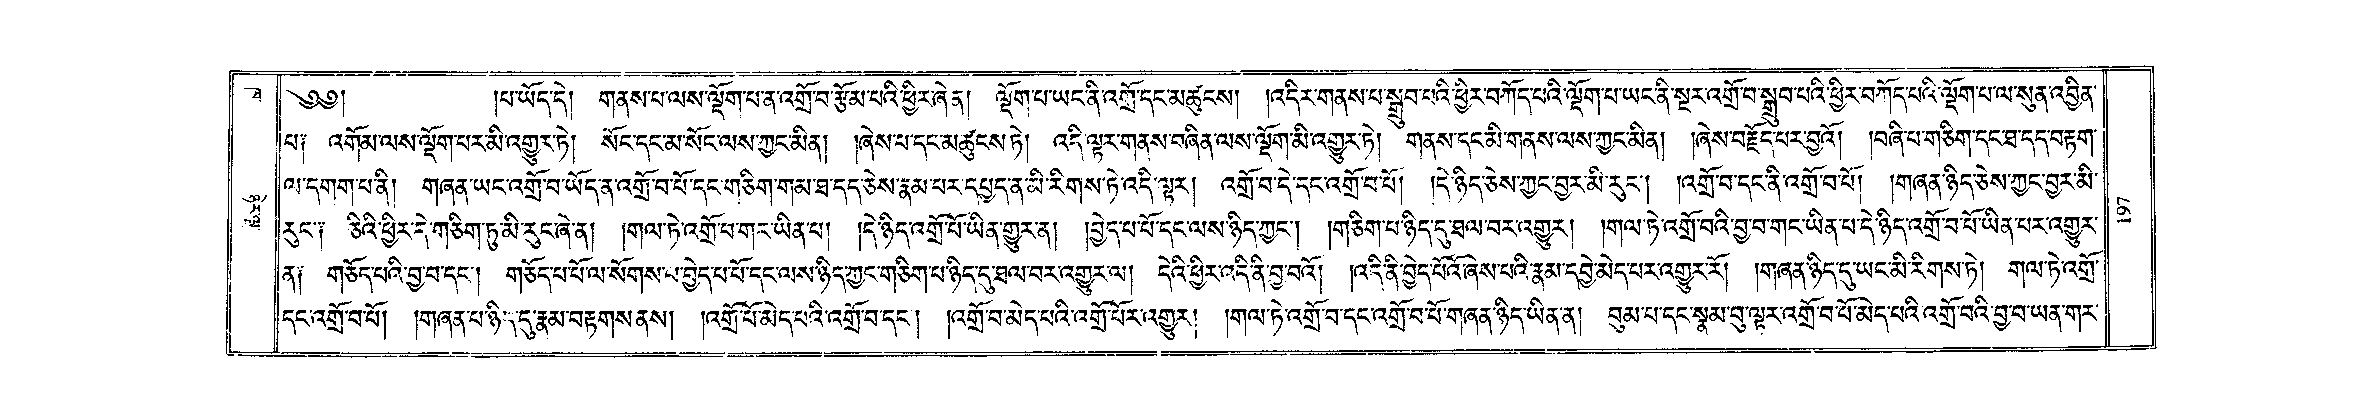༄༅། །པ་ཡོད་དེ། གནས་པ་ལས་ལྡོག་པ་ན་འགྲོ་བ་རྩོམ་པའི་ཕྱིར་ཞེ་ན། ལྡོག་པ་ཡང་ནི་འགྲོ་དང་མཚུངས། །འདིར་གནས་པ་སྒྲུབ་པའི་ཕྱིར་བཀོད་པའི་ལྡོག་པ་ཡང་ནི་སྔར་འགྲོ་བ་སྒྲུབ་པའི་ཕྱིར་བཀོད་པའི་ལྡོག་པ་ལ་སུན་འབྱིན་
པ༑ འགོམ་ལས་ལྡོག་པར་མི་འགྱུར་ཏེ། སོང་དང་མ་སོང་ལས་ཀྱང་མིན། །ཞེས་པ་དང་མཚུངས་ཏེ། འདི་ལྟར་གནས་བཞིན་ལས་ལྡོག་མི་འགྱུར་ཏེ། གནས་དང་མི་གནས་ལས་ཀྱང་མིན། །ཞེས་བརྗོད་པར་བྱའོ། །བཞི་པ་གཅིག་དང་ཐ་དད་བརྟག་
ལ་དགག་པ་ནི། གཞན་ཡང་འགྲོ་བ་ཡོད་ན་འགྲོ་བ་པོ་དང་གཅིག་གམ་ཐ་དད་ཅེས་རྣམ་པར་དཔྱད་ན་མི་རིགས་ཏེ་འདི་ལྟར། འགྲོ་བ་དེ་དང་འགྲོ་བ་པོ། །དེ་ཉིད་ཅེས་ཀྱང་བྱར་མི་རུང་། །འགྲོ་བ་དང་ནི་འགྲོ་བ་པོ། །གཞན་ཉིད་ཅེས་ཀྱང་བྱར་མི་
རུང༑ ཅིའི་ཕྱིར་དེ་གཅིག་ཏུ་མི་རུང་ཞེ་ན། །གལ་ཏེ་འགྲོ་བ་གང་ཡིན་པ། །དེ་ཉིད་འགྲོ་པོ་ཡིན་གྱུར་ན། །བྱེད་པ་པོ་དང་ལས་ཉིད་ཀྱང་། །གཅིག་པ་ཉིད་དུ་ཐལ་བར་འགྱུར། །གལ་ཏེ་འགྲོ་བའི་བྱ་བ་གང་ཡིན་པ་དེ་ཉིད་འགྲོ་བ་པོ་ཡིན་པར་འགྱུར་
ན༑ གཅོད་པའི་བྱ་བ་དང་། གཅོད་པ་པོ་ལ་སོགས་པ་བྱེད་པ་པོ་དང་ལས་ཉིད་ཀྱང་གཅིག་པ་ཉིད་དུ་ཐལ་བར་འགྱུར་ལ། དེའི་ཕྱིར་འདི་ནི་བྱ་བའོ། །འདི་ནི་བྱེད་པོའོ་ཞེས་པའི་རྣམ་དབྱེ་མེད་པར་འགྱུར་རོ། །གཞན་ཉིད་དུ་ཡང་མི་རིགས་ཏེ། གལ་ཏེ་འགྲོ་
དང་འགྲོ་བ་པོ། །གཞན་པ་ཉིད་དུ་རྣམ་བརྟགས་ནས། །འགྲོ་པོ་མེད་པའི་འགྲོ་བ་དང་། །འགྲོ་བ་མེད་པའི་འགྲོ་པོར་འགྱུར། །གལ་ཏེ་འགྲོ་བ་དང་འགྲོ་བ་པོ་གཞན་ཉིད་ཡིན་ན། བུམ་པ་དང་སྣམ་བུ་ལྟར་འགྲོ་བ་པོ་མེད་པའི་འགྲོ་བའི་བྱ་བ་ཡན་གར་